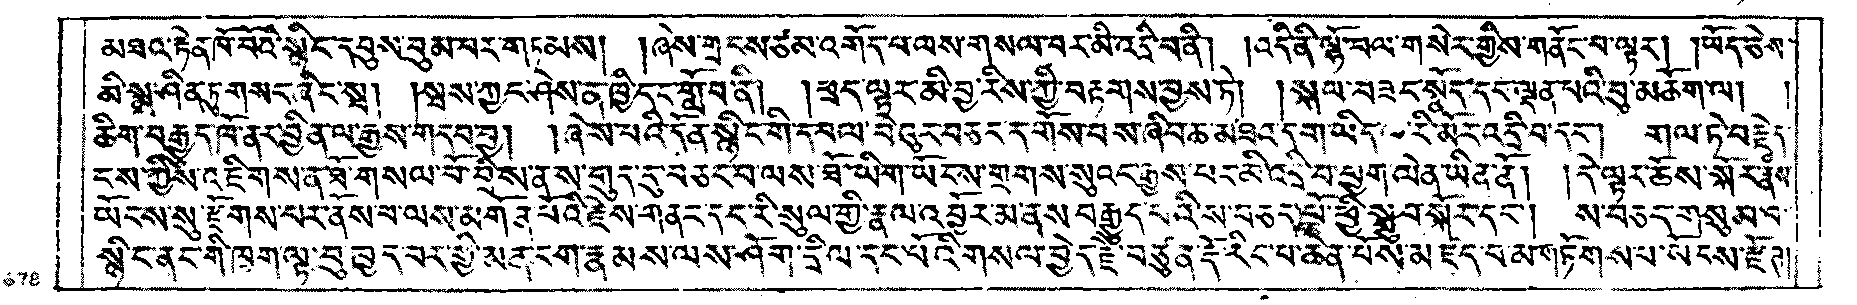མཐའ་རྟེན་ཁོ་བོའི་སྙིང་དབུས་བུམ་པར་གཏམས། །ཞེས་གྲངས་ཙམ་འགོད་པ་ལས་གསལ་བར་མི་འདྲི་བ་ནི། །འདི་ནི་ལྷོ་བལ་གསེར་གྱིས་གནོང་པ་ལྟར། །ཡོད་ཅེས་
མི་སྨྲ་ཤིན་ཏུ་གསང་ཞིང་སྦ། །སྦས་ཀྱང་ཤེས་ན་ཁྱི་དང་གློ་བ་ནི། །ཕྲད་ལྟར་མི་བྱ་རིས་ཀྱི་བརྟགས་བྱས་ཏེ། །སྐལ་བཟང་སྣོད་དང་ལྡན་པའི་བུ་མཆོག་ལ། །
ཚིག་བརྒྱུད་ཁོ་ནར་བྱིན་ལ་རྒྱས་གདབ་བྱ། །ཞེས་པའི་དོན་སྙིང་གི་དཔལ་བེའུར་བཅང་དགོས་པས་ཞིབ་ཆ་མཐའ་དག་ཡིད་ལ་རི་མོར་འདྲི་བ་དང་། གལ་ཏེ་བརྗེད་
ངས་ཀྱིས་འཇིགས་ན་ཐོ་གསལ་པོ་བྲིས་ནས་གུད་དུ་བཅང་བ་ལས་ཐོ་ཡིག་ཡོངས་གྲགས་སུའང་རྒྱས་པར་མི་འདྲི་བ་ཕྱག་ལེན་ཡིན་ནོ། །དེ་ལྟར་ཆོས་སྐོར་རྣམས་
ཡོངས་སུ་རྫོགས་པར་ནོས་པ་ལས་མགོན་པོའི་རྗེས་གནང་དང་རི་སུལ་གྱི་རྣལ་འབྱོར་མ་ནས་བརྒྱུད་པའི་ས་བཅད་དང་པོ་ཕྱི་སྒྲུབ་སྐོར་དང་། ས་བཅད་གསུམ་པ་
སྙིང་ནང་གི་ཁྲག་ལྟ་བུ་ཁྱད་པར་གྱི་མན་ངག་རྣམས་ལས་ཤོག་དྲིལ་དང་པོའི་གསལ་བྱེད་རྗེ་བཙུན་རྡོ་རིང་པ་ཆེན་པོས་མཛད་པ་མ་གཏོགས་པ་ཡོངས་རྫོགས།